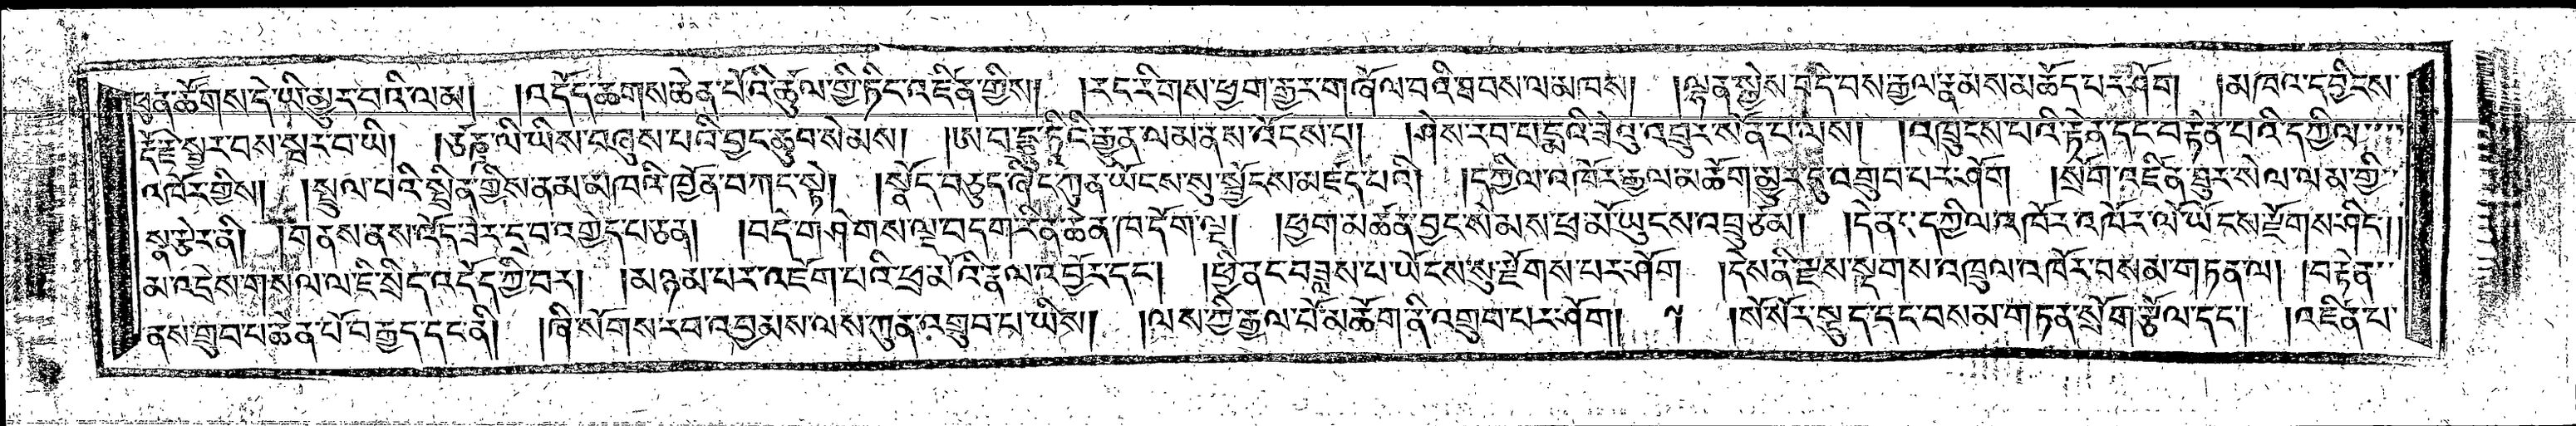ཕུན་ཚོགས་དེ་ཡི་མྱུར་བའི་ལམ། །འདོད་ཆགས་ཆེན་པོའི་ཚུལ་གྱི་ཏིང་འཛིན་གྱིས། །རང་རིགས་ཕྱག་རྒྱར་གཞོལ་བའི་ཐབས་ལ་མཁས། །ལྷན་སྐྱེས་བདེ་བས་རྒྱལ་རྣམས་མཆོད་པར་ཤོག །མཁའ་དབྱིངས་
རྡོ་རྗེ་སྦྱར་བས་སྦར་བ་ཡི། །ཙཎྜ་ལི་ཡིས་བཞུས་པའི་བྱང་ཆུབ་སེམས། །ཨ་བ་དྷཱུ་ཏཱིའི་རྒྱུན་ལམ་ནས་འོངས་པ། །ཤེས་རབ་པདམའི་ཟེའུ་འབྲུར་སོན་པ་ལས། །འཁྲུངས་པའི་རྟེན་དང་བརྟེན་པའི་དཀྱིལ་
འཁོར་གྱིས། །སྤྲུལ་པའི་སྤྲིན་གྱིས་ནམ་མཁའི་ཁྱོན་བཀང་སྟེ། །སྣོད་བཅུད་ཞིང་ཀུན་ཡོངས་སུ་སྦྱོངས་མཛད་པའི། །དཀྱིལ་འཁོར་རྒྱལ་མཆོག་མྱུར་དུ་འགྲུབ་པར་ཤོག །སྲོག་འཛིན་ཐུར་སེལ་ལམ་གྱི་
སྣ་རྩེར་ནི། །གནས་ནས་འོད་ཟེར་དྲ་བ་འགྱེད་པ་ཅན། །བདེ་གཤེགས་ལྔ་བདག་རིན་ཆེན་ཁ་དོག་ལྔ། །ཕྱག་མཚན་བྱང་སེམས་ཕྲ་མོ་ཡུངས་འབྲུ་ཙམ། །དེ་ནས་དཀྱིལ་འཁོར་འཁོར་ལོ་ཡོངས་རྫོགས་ཤིང་། །
མ་འདྲེས་གསལ་ལ་ཇི་སྲིད་འདོད་ཀྱི་བར། །མཉམ་པར་འཇོག་པའི་ཕྲ་མོའི་རྣལ་འབྱོར་དང་། །ཕྱི་ནང་བཟླས་པ་ཡོངས་སུ་རྫོགས་པར་ཤོག །དེས་ནི་རྫས་སྔགས་འཁྲུལ་འཁོར་བསམ་གཏན་ལ། །བརྟེན་
ནས་གྲུབ་པ་ཆེན་པོ་བརྒྱད་དང་ནི། །ཞི་སོགས་རབ་འབྱམས་ལས་ཀུན་འགྲུབ་པ་ཡིས། །ལས་ཀྱི་རྒྱལ་པོ་མཆོག་ནི་འགྲུབ་པར་ཤོག ། ༈ །སོ་སོར་སྡུད་དང་བསམ་གཏན་སྲོག་རྩོལ་དང་། །འཛིན་པ་